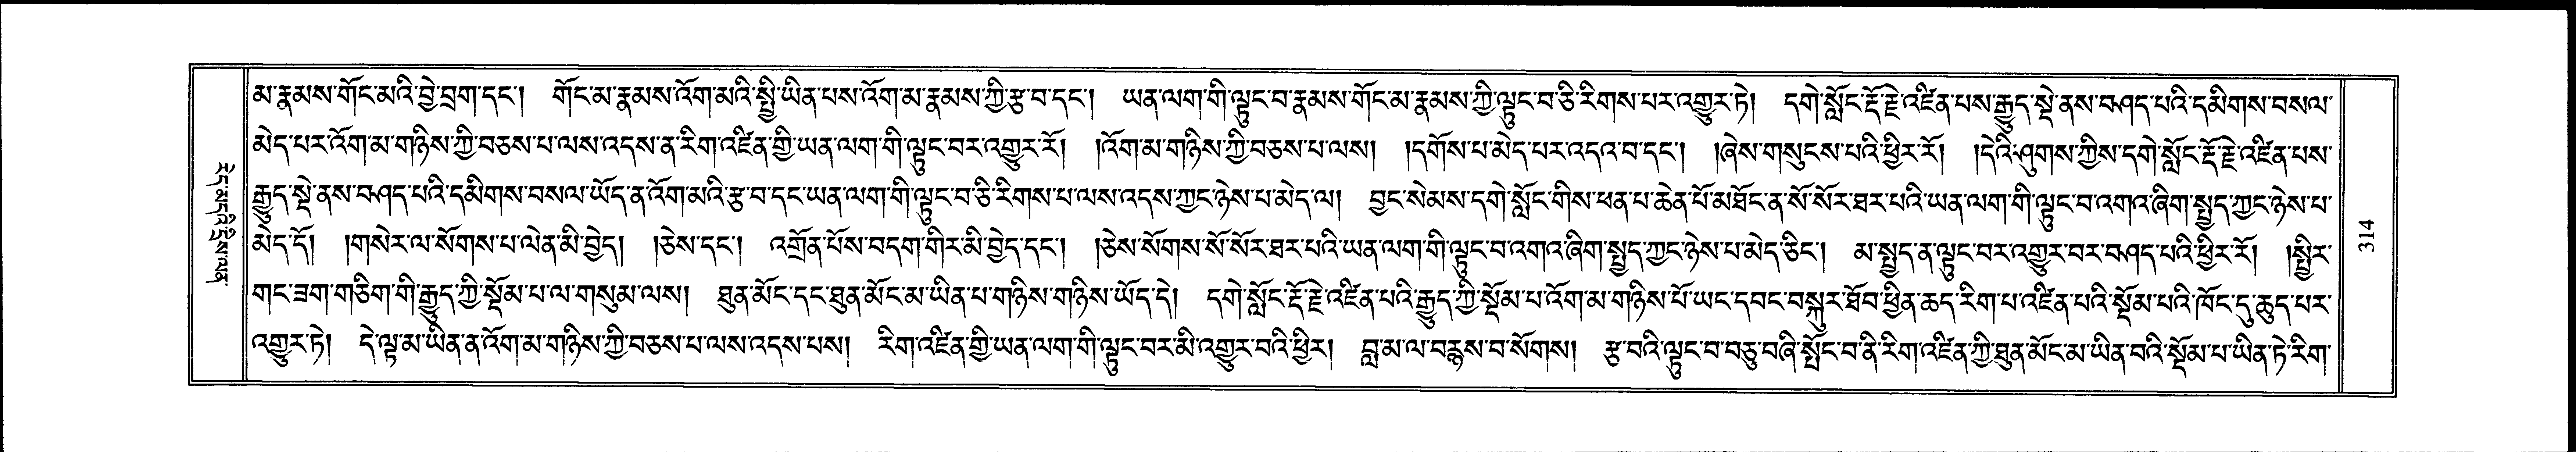མ་རྣམས་གོང་མའི་བྱེ་བྲག་དང་། གོང་མ་རྣམས་འོག་མའི་སྤྱི་ཡིན་པས་འོག་མ་རྣམས་ཀྱི་རྩ་བ་དང་། ཡན་ལག་གི་ལྟུང་བ་རྣམས་གོང་མ་རྣམས་ཀྱི་ལྟུང་བ་ཅི་རིགས་པར་འགྱུར་ཏེ། དགེ་སློང་རྡོ་རྗེ་འཛིན་པས་རྒྱུད་སྡེ་ནས་བཤད་པའི་དམིགས་བསལ་
མེད་པར་འོག་མ་གཉིས་ཀྱི་བཅས་པ་ལས་འདས་ན་རིག་འཛིན་གྱི་ཡན་ལག་གི་ལྟུང་བར་འགྱུར་རོ། །འོག་མ་གཉིས་ཀྱི་བཅས་པ་ལས། །དགོས་པ་མེད་པར་འདའ་བ་དང་། །ཞེས་གསུངས་པའི་ཕྱིར་རོ། །དེའི་ཤུགས་ཀྱིས་དགེ་སློང་རྡོ་རྗེ་འཛིན་པས་
རྒྱུད་སྡེ་ནས་བཤད་པའི་དམིགས་བསལ་ཡོད་ན་འོག་མའི་རྩ་བ་དང་ཡན་ལག་གི་ལྟུང་བ་ཅི་རིགས་པ་ལས་འདས་ཀྱང་ཉེས་པ་མེད་ལ། བྱང་སེམས་དགེ་སློང་གིས་ཕན་པ་ཆེན་པོ་མཐོང་ན་སོ་སོར་ཐར་པའི་ཡན་ལག་གི་ལྟུང་བ་འགའ་ཞིག་སྤྱད་ཀྱང་ཉེས་པ་
མེད་དོ། །གསེར་ལ་སོགས་པ་ལེན་མི་བྱེད། །ཅེས་དང་། འགྲོན་པོས་བདག་གིར་མི་བྱེད་དང་། །ཅེས་སོགས་སོ་སོར་ཐར་པའི་ཡན་ལག་གི་ལྟུང་བ་འགའ་ཞིག་སྤྱད་ཀྱང་ཉེས་པ་མེད་ཅིང་། མ་སྤྱད་ན་ལྟུང་བར་འགྱུར་བར་བཤད་པའི་ཕྱིར་རོ། །སྤྱིར་
གང་ཟག་གཅིག་གི་རྒྱུད་ཀྱི་སྡོམ་པ་ལ་གསུམ་ལས། ཐུན་མོང་དང་ཐུན་མོང་མ་ཡིན་པ་གཉིས་གཉིས་ཡོད་དེ། དགེ་སློང་རྡོ་རྗེ་འཛིན་པའི་རྒྱུད་ཀྱི་སྡོམ་པ་འོག་མ་གཉིས་པོ་ཡང་དབང་བསྐུར་ཐོབ་ཕྱིན་ཆད་རིག་པ་འཛིན་པའི་སྡོམ་པའི་ཁོང་དུ་ཆུད་པར་
འགྱུར་ཏེ། དེ་ལྟ་མ་ཡིན་ན་འོག་མ་གཉིས་ཀྱི་བཅས་པ་ལས་འདས་པས། རིག་འཛིན་གྱི་ཡན་ལག་གི་ལྟུང་བར་མི་འགྱུར་བའི་ཕྱིར། བླ་མ་ལ་བརྙས་བ་སོགས། རྩ་བའི་ལྟུང་བ་བཅུ་བཞི་སྤོང་བ་ནི་རིག་འཛིན་ཀྱི་ཐུན་མོང་མ་ཡིན་པའི་སྡོམ་པ་ཡིན་ཏེ་རིག་